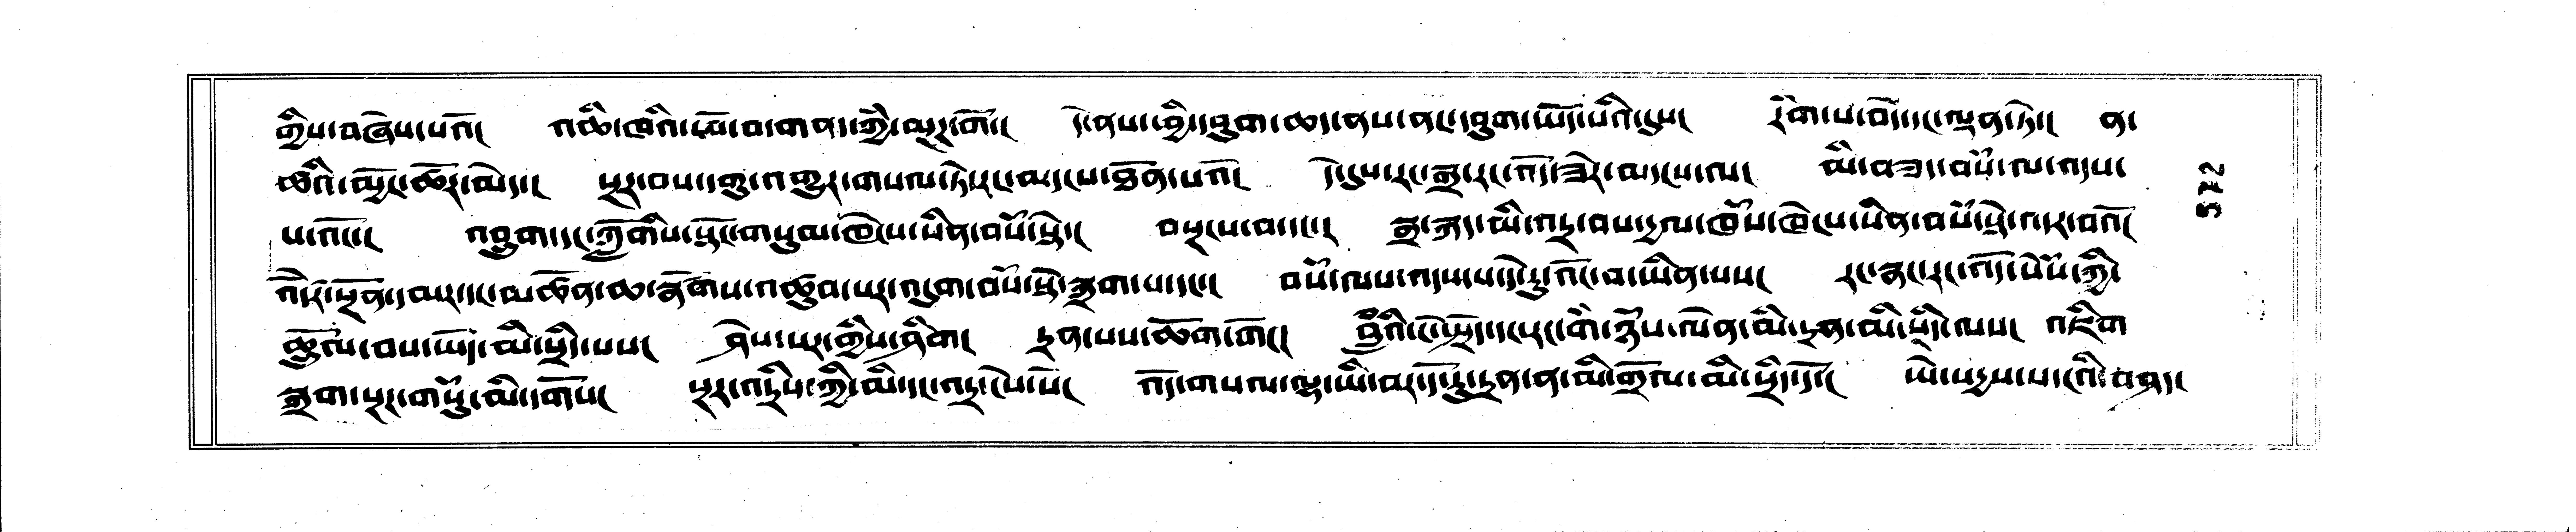གྱི་བཞེས་པའོ། འཆི་ཁའི་འཕོ་བ་གནད་ཀྱིས་མན་ངག་གོ དེ་ནས་ཕྱི་དབུགས་ཆད་ནས་ནང་དབུགས་ཡོད་པའི་དུས། རིག་པ་བདེ་དང་ལྡན་ཏེ། ན་
ཚའི་མྱོང་ཚོར་མེད། སྔར་བས་དགུ་འགྱུར་གསལ་ཏེ་རང་མདངས་ཐོན་པའོ།། དེ་དུས་རང་སྒྲ་རང་འོད་ཟེར་མདངས་ལ། མི་བཟོད་བསམ་ལ་འདས་
པ་འོང་། འབྲུག་དང་གློག་གིས་སྟོང་གསུམ་ཁེངས་སེན་བསམ་སྟེ། བསྔངས་པ་དང་། སྒྲ་སྐད་མི་འདྲ་བའི་རྒྱལ་ཁམས་ཁངས་སིན་བསམ་སྟེ་འདར་བའོ། 
འོད་ཟེར་སྔོན་དམར་དང་མཚོན་ཆ་སྣ་ཚོགས་འཚུབ་པར་འདུག་བསམ་སྟེ་བསྐྲག་པ་དང་། བསམ་ལ་འདས་པ་དེ་རུ་འོང་པ་ཡིན་པས། རང་སྣང་རང་འོད་སེམས་ཀྱི་
ཆོ་འཕྲུལ་བས་ཡོད་མི་སྲིད་པས། ཤེས་པར་གྱིས་ཤིག་ དྲན་པའི་ཆོག་གོ བླ་མའི་ངོ་སྤྲོད་དང་རང་གི་ཉམས་ལེན་མི་དྲན་མི་སྲིད་པས། འཇིགས་
སྐྲགས་སྔངས་གསུམ་མི་དགོས། སྔར་འདྲིས་ཀྱི་མི་དང་ངེས་སོ། འོད་གསལ་ལྷ་ཡི་བར་དོར་རུ་དྲན་ན་མི་གྲོལ་མི་སྲིད་དོ། ཡེ་སངས་རྒྱས་པ་ངའི་